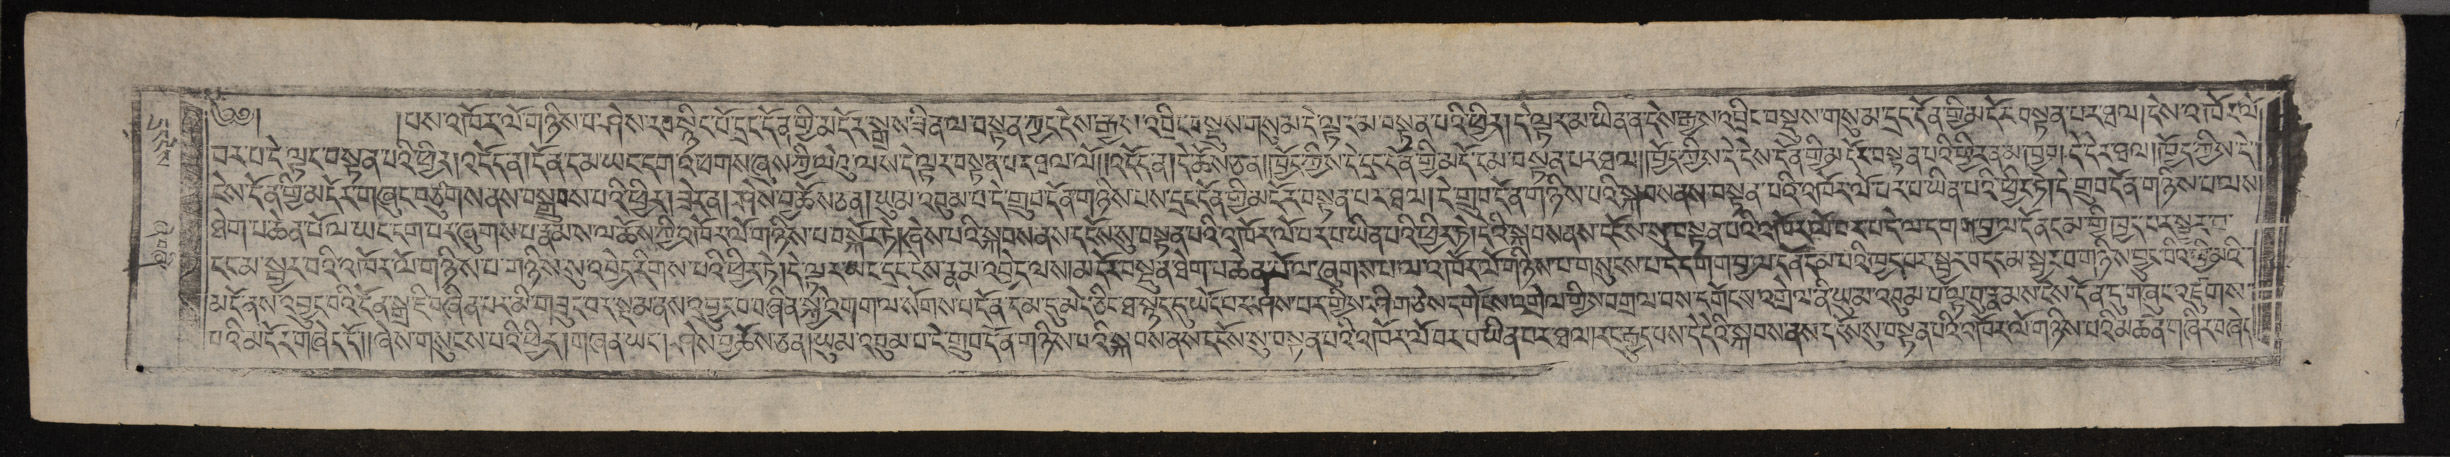༄༅། །པས་འཁོར་ལོ་གཉིས་པ་ཤེས་རབ་སྙིང་པོ་དྲང་དོན་གྱི་མདོར་སྒྲས་ཟིན་ལ་བསྟན་ཀྱང་དེས་རྒྱས་འབྲིང་བསྡུས་གསུམ་དེ་ལྟར་མ་བསྟན་པའི་ཕྱིར། དེ་ལྟར་མ་ཡིན་ན་དེས་རྒྱས་འབྲིང་བསྡུས་གསུམ་དྲང་དོན་གྱི་མདོར་བསྟན་པར་ཐལ། དེས་འཁོར་ལོ་
བར་པ་ད་ལྟར་བསྟན་པའི་ཕྱིར། འདོད་ན། དོན་དམ་ཡང་དག་འཕགས་ཞུས་ཀྱི་ལེའུ་ལས་དེ་ལྟར་བསྟན་པར་ཐལ་ལོ། །འདོད་ན། དེ་ཆོས་ཅན། ཁྱོད་ཀྱིས་དེ་དྲང་དོན་གྱི་མདོར་མ་བསྟན་པར་ཐལ། ཁྱོད་ཀྱིས་དེ་ངེས་དོན་གྱི་མདོར་བསྟན་པའི་ཕྱིར་ན་མ་ཁྱབ། དེ་དེར་ཐལ། ཁྱོད་ཀྱིས་དེ་
ངེས་དོན་གྱི་མདོར་གཞུང་བཙུགས་ནས་བསྒྲུབས་པའི་ཕྱིར། ཟེར་ན། ཤེས་བྱ་ཆོས་ཅན། ཡུམ་འབུམ་པ་དེ་གྲུབ་དོན་གཉིས་པས་དྲང་དོན་གྱི་མདོར་བསྟན་པར་ཐལ། དེ་གྲུབ་དོན་གཉིས་པའི་སྐབས་ནས་བསྟན་པའི་འཁོར་ལོ་བར་པ་ཡིན་པའི་ཕྱིར་ཏེ། དེ་གྲུབ་དོན་གཉིས་པ་ལས་
ཐེག་པ་ཆེན་པོ་ལ་ཡང་དག་པར་ཞུགས་པ་རྣམས་ལ་ཆོས་ཀྱི་འཁོར་ལོ་གཉིས་པ་བསྐོར་ཏེ། ཞེས་པའི་སྐབས་ནས་དངོས་སུ་བསྟན་པའི་འཁོར་ལོ་བར་པ་ཡིན་པའི་ཕྱིར་ཏེ། དེའི་སྐབས་ནས་དངོས་སུ་བསྟན་པའི་འཁོར་ལོ་བར་པ་དེ་ལ་དགག་བྱ་ལ་དོན་དམ་གྱི་ཁྱད་པར་སྦྱར་བ་
དང་མ་སྦྱར་བའི་འཁོར་ལོ་གཉིས་པ་གཉིས་སུ་འབྱེད་རིགས་པའི་ཕྱིར་ཏེ། དེ་ལྟར་ཡང་དྲང་ངེས་རྣམ་འབྱེད་ལས། མདོར་བསྡུ་ན་ཐེག་པ་ཆེན་པོ་ལ་ཞུགས་པ་ལ་འཁོར་ལོ་གཉིས་པ་གསུངས་པ་དེ་དགག་བྱ་ལ་དོན་དམ་པའི་ཁྱད་པར་སྦྱར་བ་དང་མ་སྦྱར་བ་གཉིས་བྱུང་བའི་ཕྱི་མའི་
མདོ་ནས་འབྱུང་བའི་དོན་སྒྲ་ཇི་བཞིན་པར་མི་གཟུང་བར་སྔ་མ་ནས་འབྱུང་བ་བཞིན་སྐྱེ་འགག་ལ་སོགས་པ་དོན་དམ་དུ་མེད་ཅིང་ཐ་སྙད་དུ་ཡོད་པར་ཤེས་པར་གྱིས་ཤིག་ཅེས་དགོངས་འགྲེལ་གྱིས་བཀྲལ་བས་དགོངས་འགྲེལ་ནི་ཡུམ་འབུམ་པ་ལྟ་བུ་རྣམས་ངེས་དོན་དུ་གཞུང་འཛུགས་
པའི་མདོར་བཞེད་དོ། །ཞེས་གསུངས་པའི་ཕྱིར། གཞན་ཡང་། ཤེས་བྱ་ཆོས་ཅན། ཡུམ་འབུམ་པ་དེ་གྲུབ་དོན་གཉིས་པའི་སྐབས་ནས་དངོས་སུ་བསྟན་པའི་འཁོར་ལོ་བར་པ་ཡིན་པར་ཐལ། རང་རྒྱུད་པས་དེ་དེའི་སྐབས་ནས་དངོས་སུ་བསྟན་པའི་འཁོར་ལོ་གཉིས་པའི་མཚན་གཞིར་བཞེད་